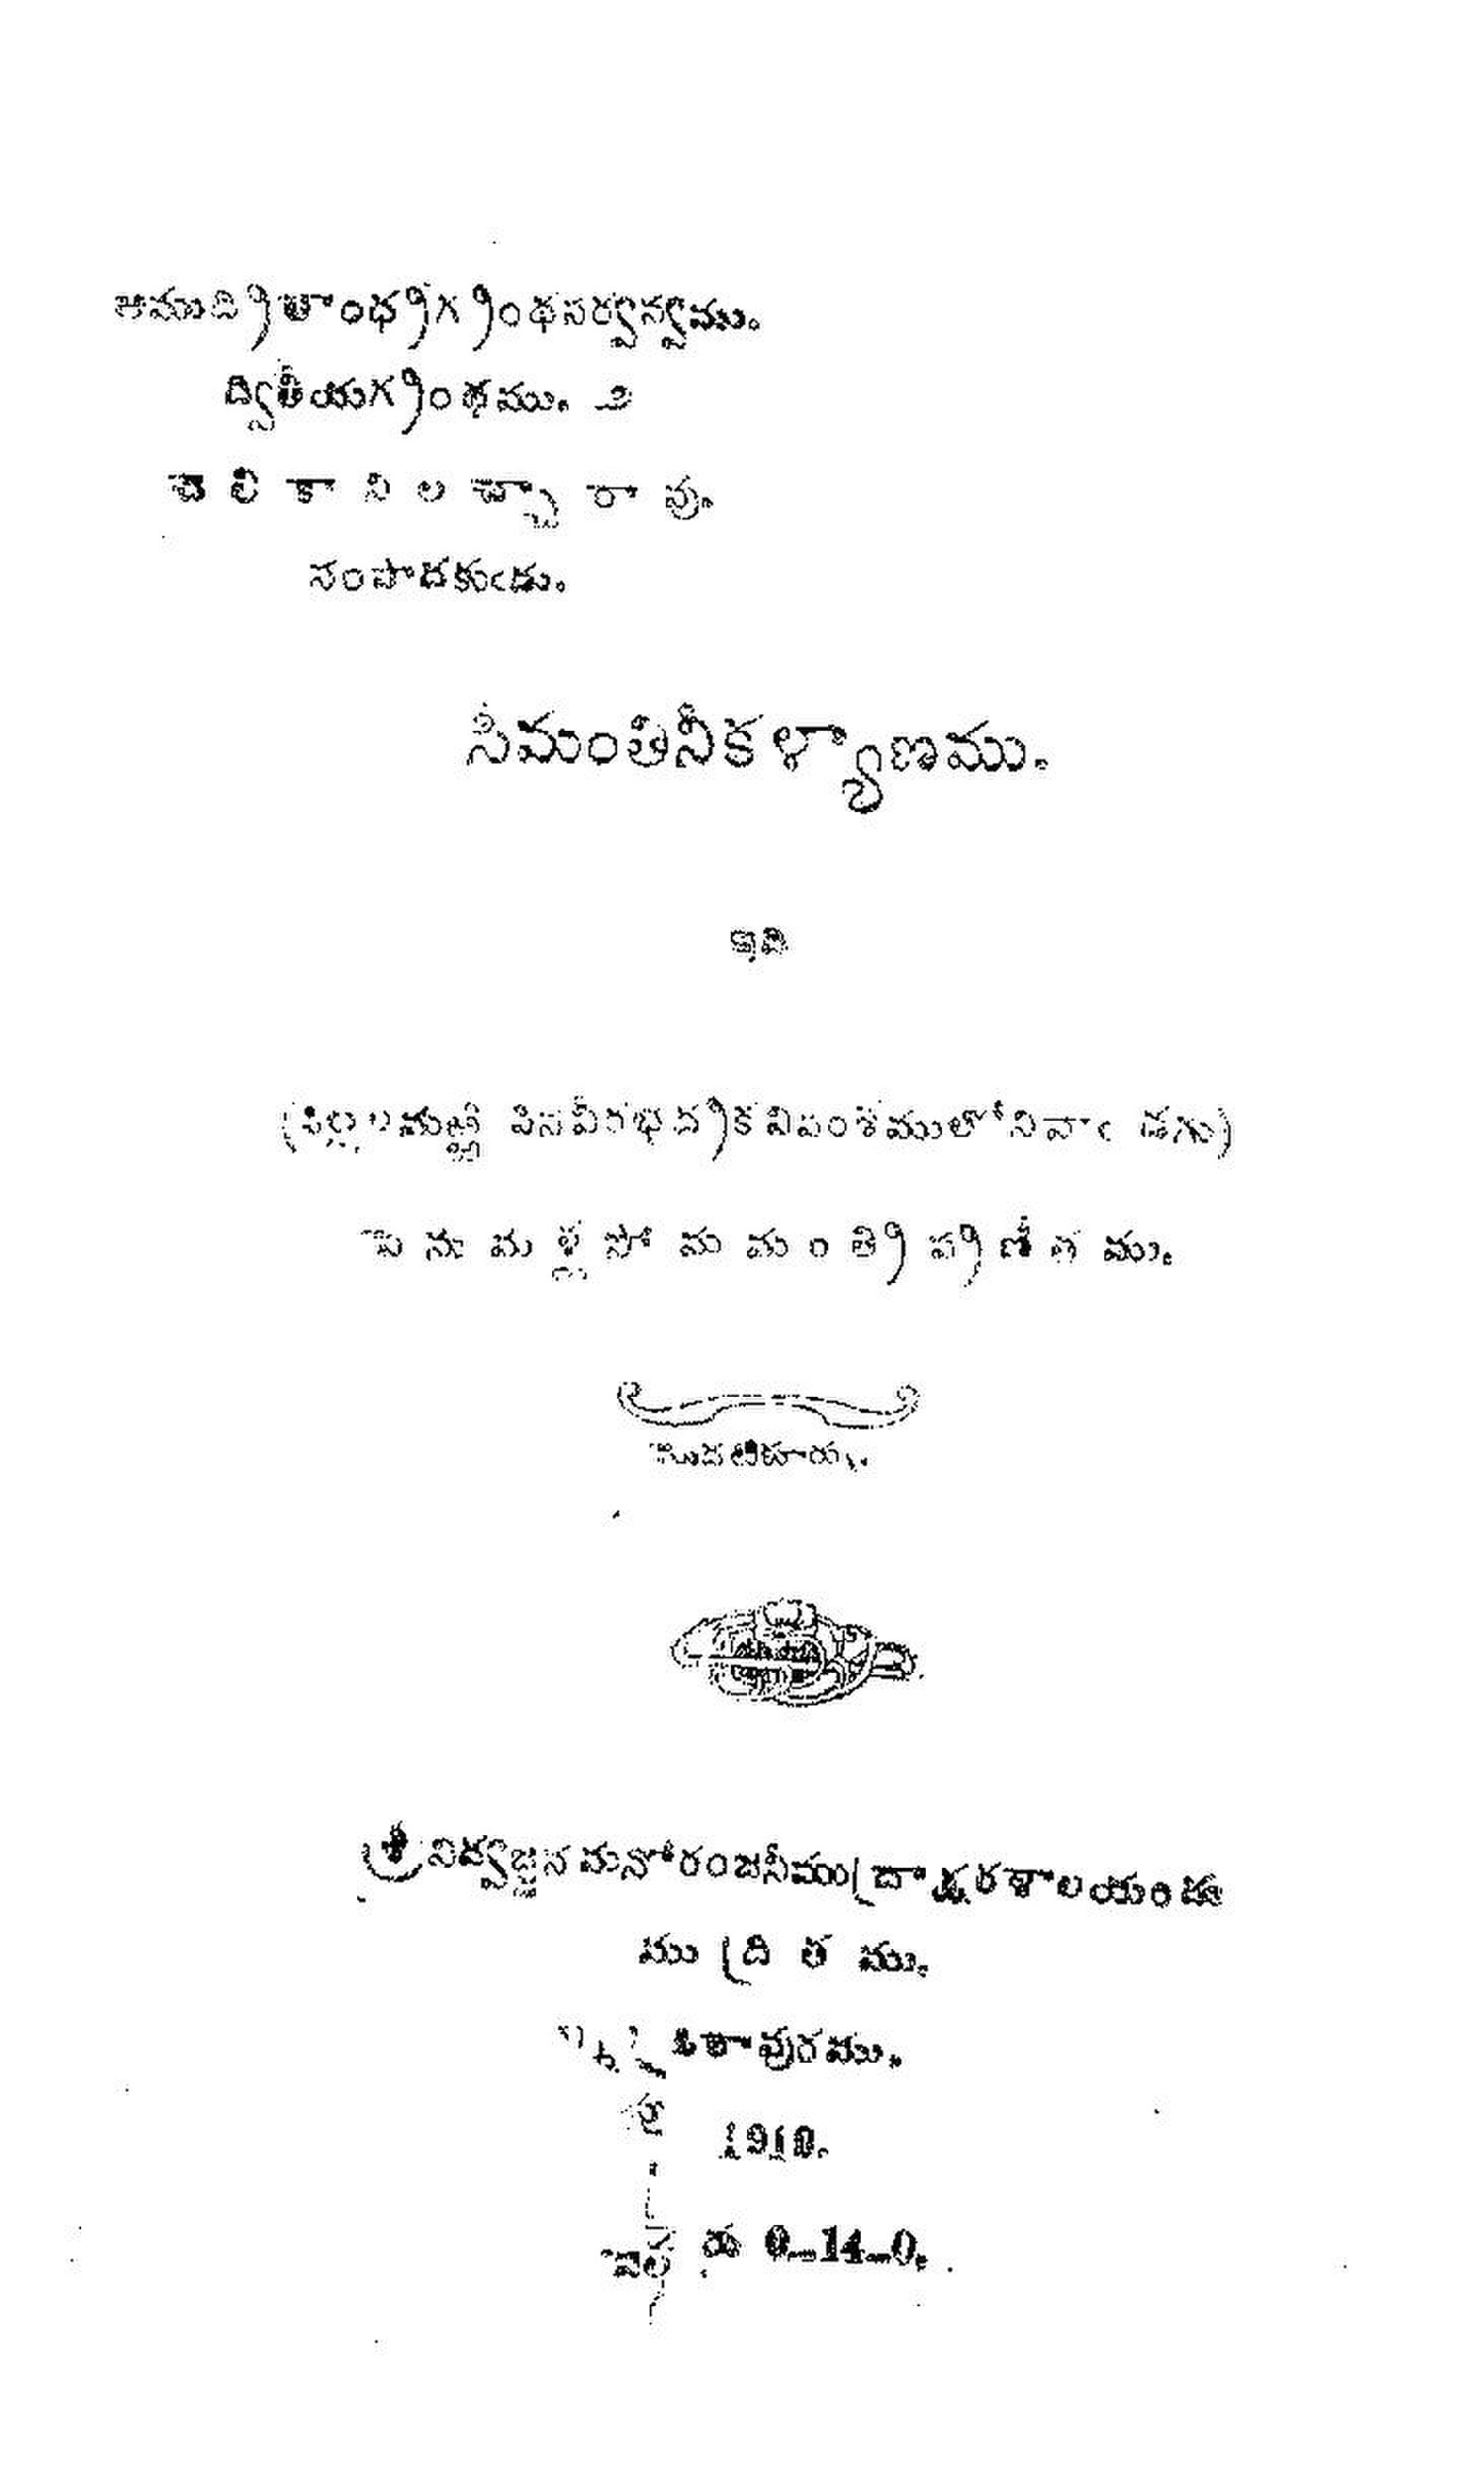సీమంతినీకళ్యాణము

పెనుమళ్ళ సోమమంత్రి ప్రణీతము